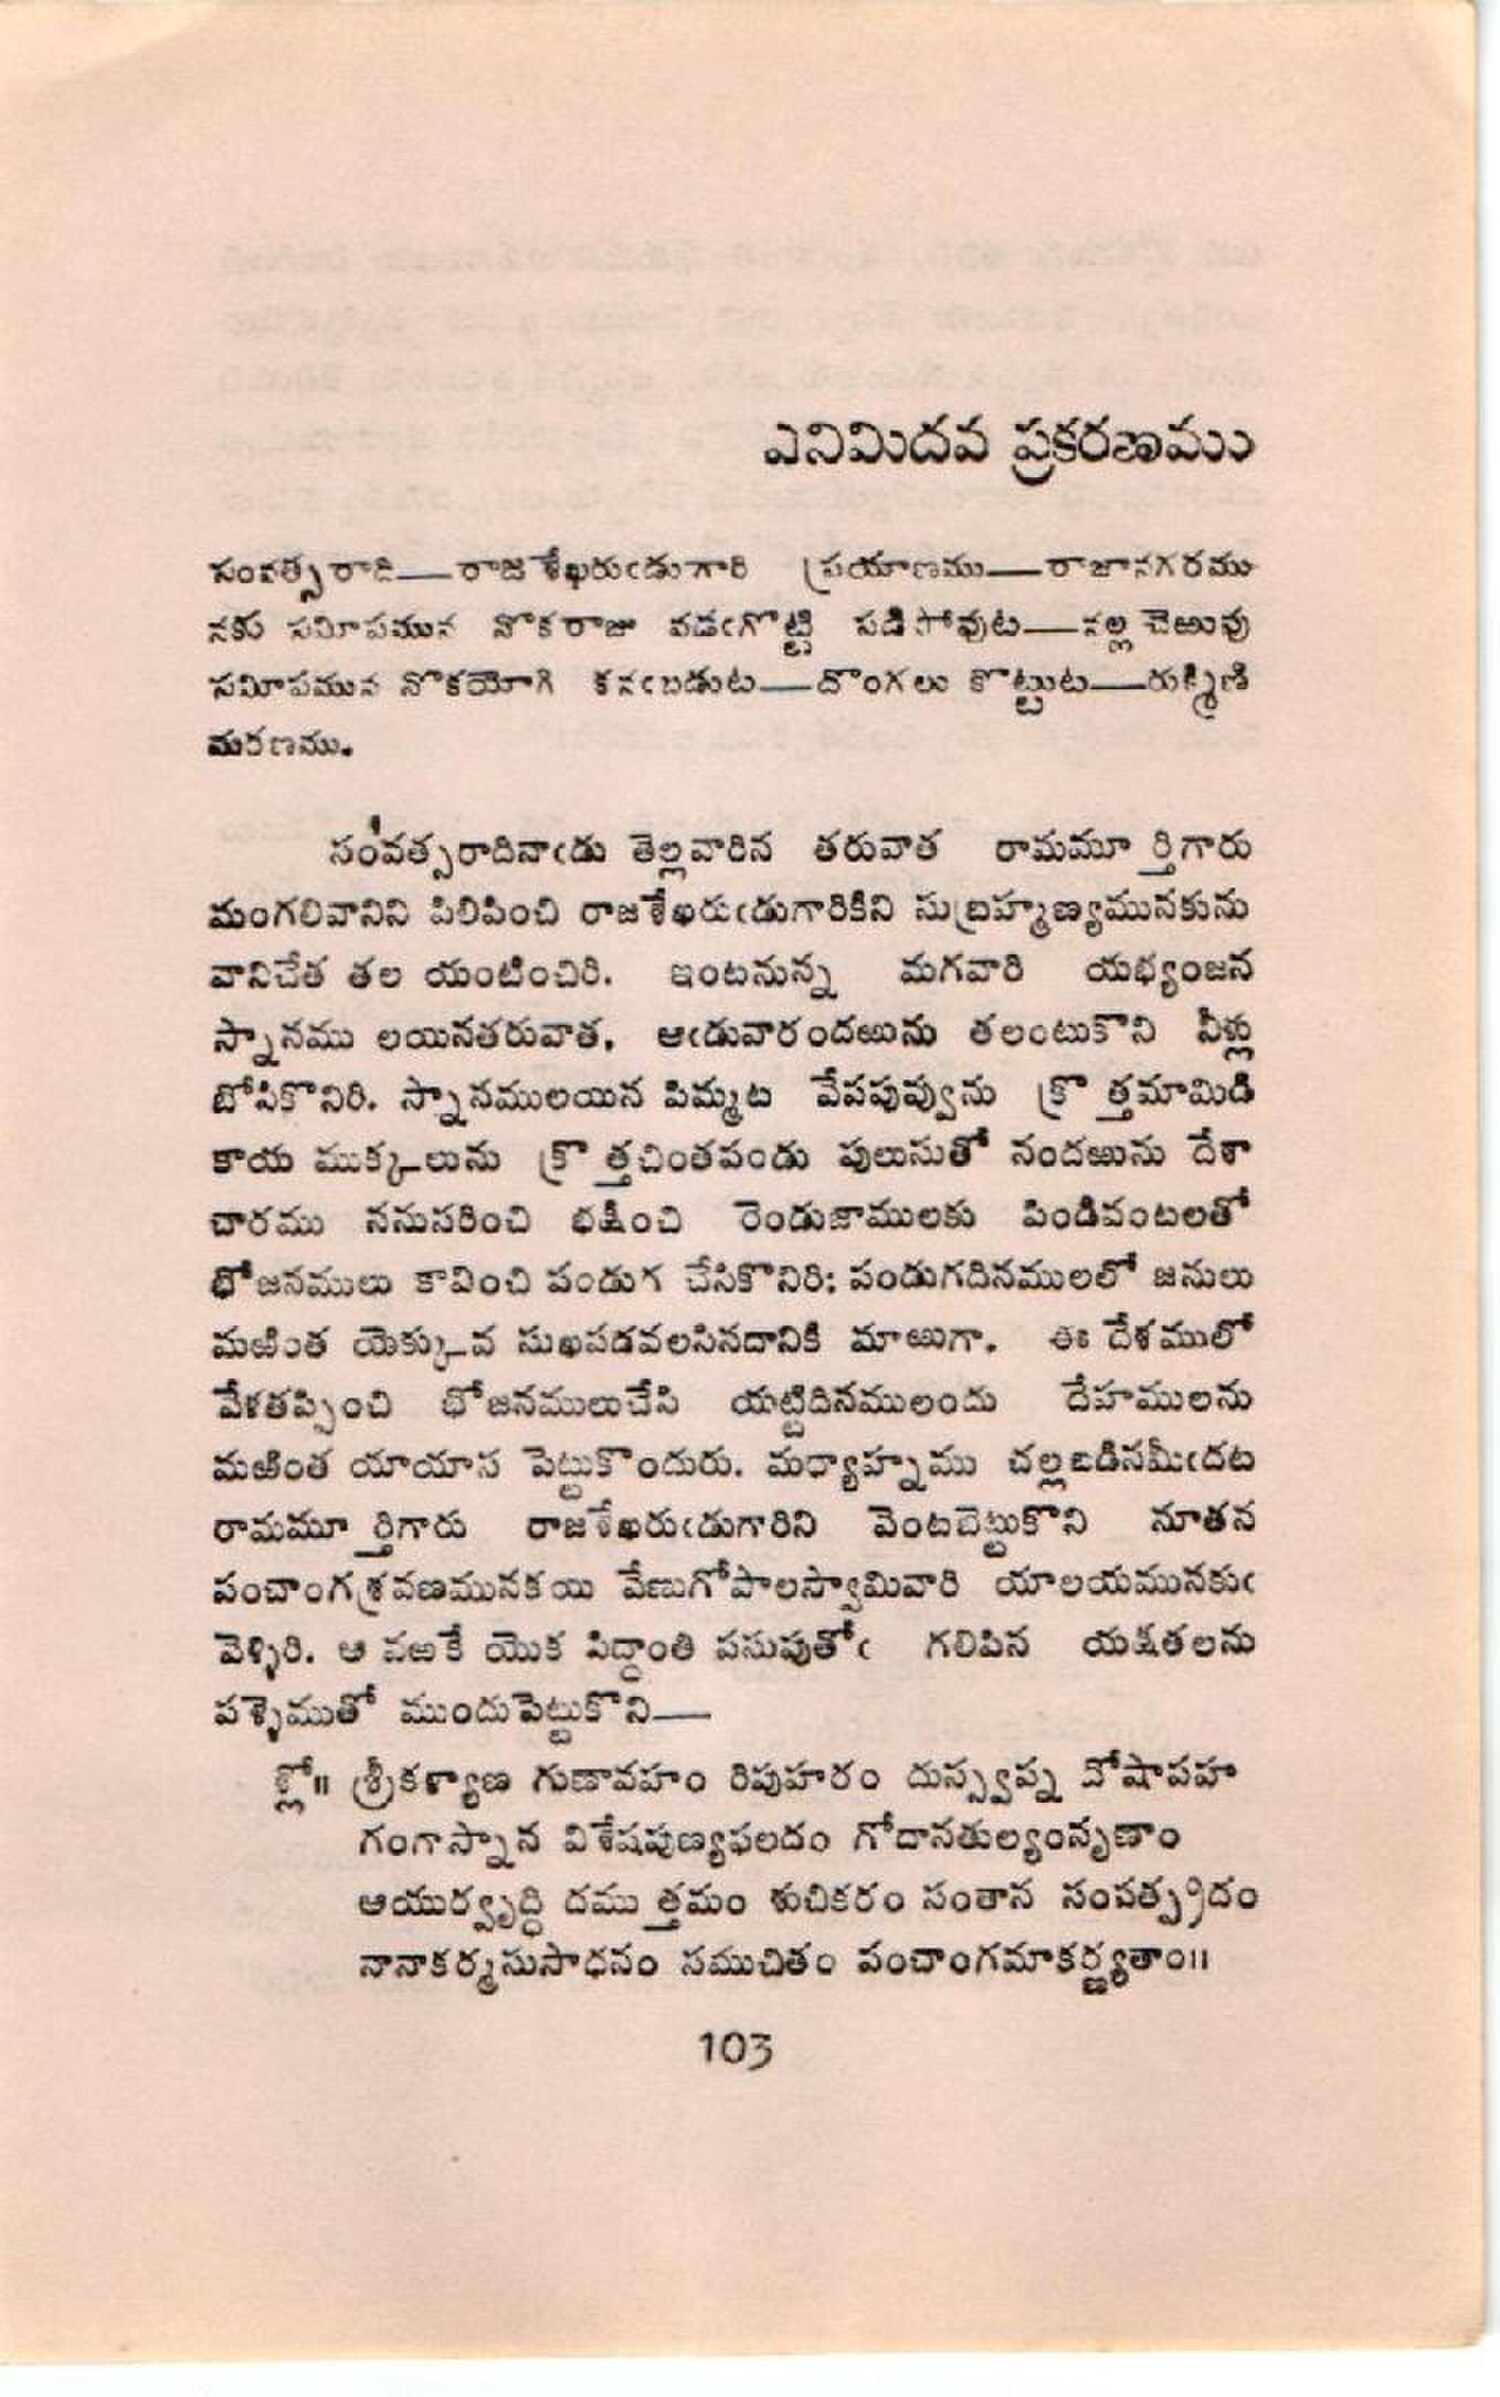ఎనిమిదవ ప్రకరణము

సంవత్సరాదినాడు తెల్లవారిన తరువాత రామమూర్తిగారు మంగలివానిని పిలిపించి రాజశేఖరుఁడుగారికిని సుబ్రహ్మణ్యమునకును వానిచేత తల యంటించిరి. ఇంటనున్న మగవారి యభ్యంజన స్నానము లయినతరువాత, ఆఁడువారందఱును తలంటుకొని నీళ్లు బోసికొనిరి. స్నానములయిన పిమ్మట వేపపువ్వును క్రొత్తమామిడి కాయ ముక్కలును క్రొత్తచింతపండు పులుసుతో నందఱును దేశాచారము ననుసరించి భక్షించి రెండుజాములకు పిండివంటలతో భోజనములు కావించి పండుగ చేసికొనిరి; పండుగదినములలో జనులు మఱింత యెక్కువ సుఖపడవలసినదానికి మాఱుగా, ఈ దేశములో వేళతప్పించి భోజనములుచేసి యట్టిదినములందు దేహములను మఱింత యాయాస పెట్టుకొందురు. మధ్యాహ్నము చల్లబడినమీఁదట రామమూ_ర్తిగారు రాజశేఖరుఁడుగారిని వెంటబెట్టుకొని నూతన పంచాంగశ్రవణమునకయి వేణుగోపాలస్వామివారి యాలయమునకుఁ వెళ్ళిరి. ఆ వఱకే యొక సిద్ధాంతి పసుపుతోఁ గలిపిన యక్షతలను పళ్ళెముతో ముందు పెట్టుకొని __

శ్లో॥ శ్రీకళ్యాణ గుణావహం రిపుహరం దుస్స్వప్న దోషాపహ
 గంగా స్నాన విశేషపుణ్యఫలదం గోదానతుల్యంనృణాం
 ఆయుర్వృద్ధి దము త్తమం శుచికరం సంతాన సంపత్ప్రదం 
 నానాకర్మసుసాధనం సముచితం పంచాంగమాకర్ణ్యతాం॥